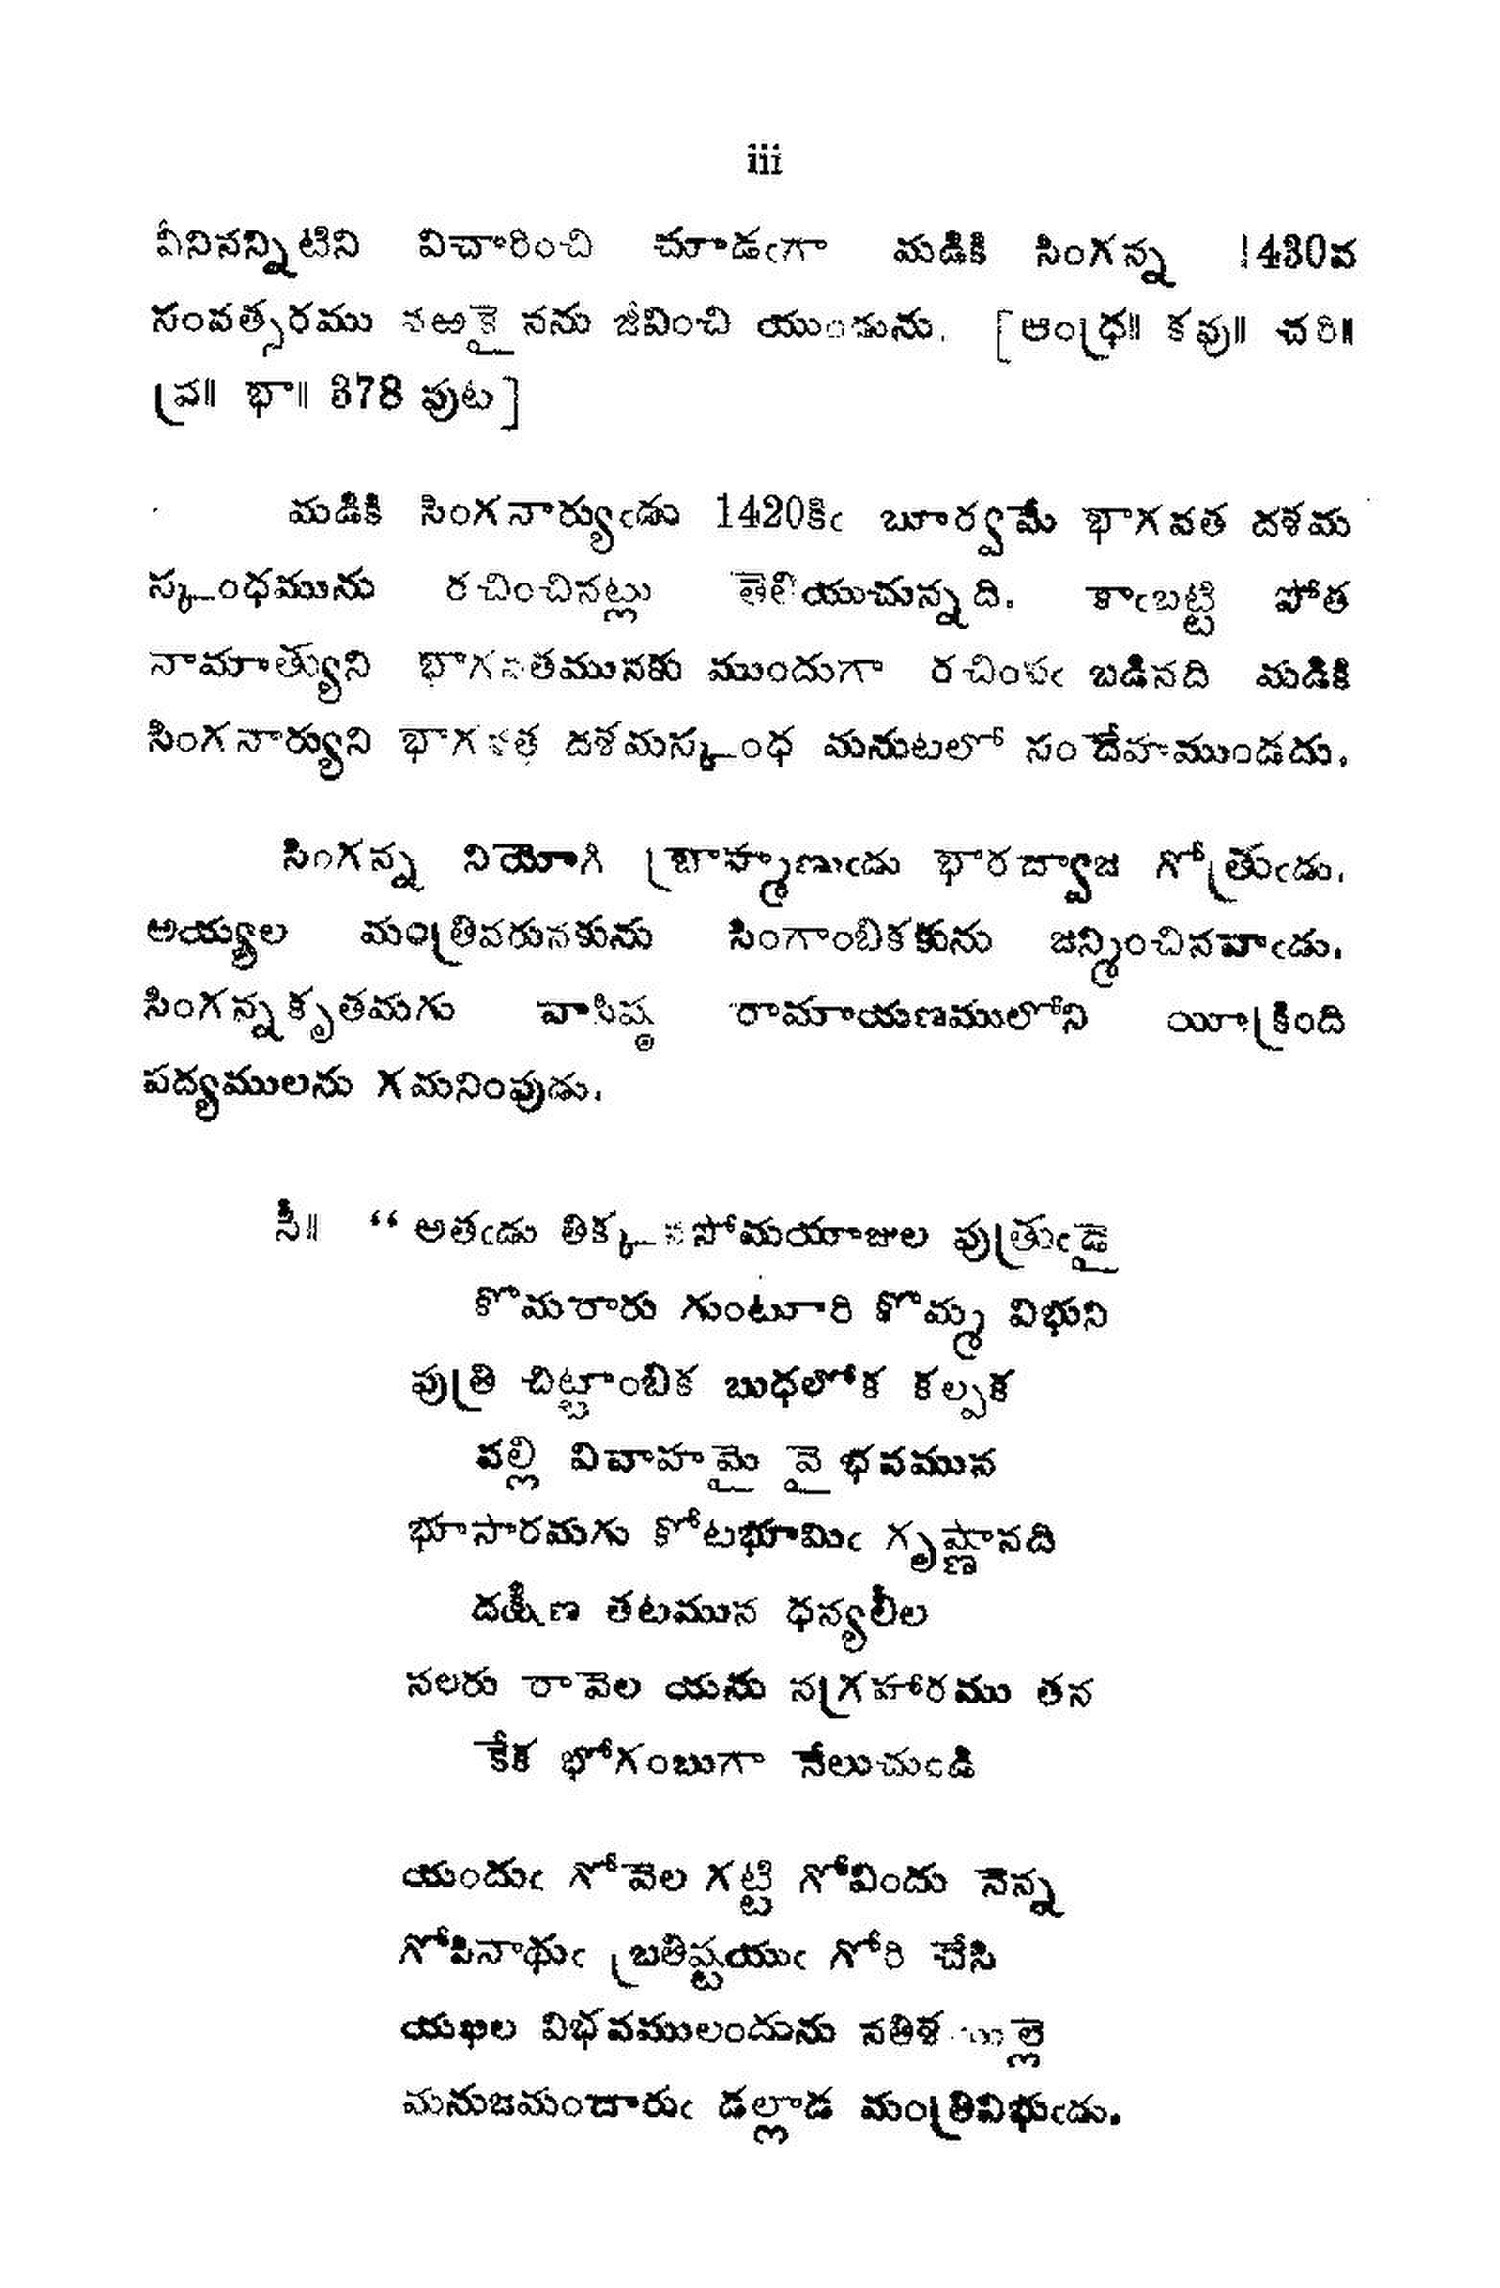వీటినన్నిటిని విచారించి చూడఁగా మడికి సింగన్న 1430వ సంవత్సరము వఱకైనను జీవించి యుండును. [ఆంధ్ర॥ కవు॥ చరి॥ ప్ర॥ భా॥ 378 పుట].

మడికి సింగనార్యుఁడు 1420కిఁ బూర్వమే భాగవత దశమస్కంధమును రచించినట్లు తెలియుచున్నది. కాఁబట్టి పోతనామాత్యుని భాగవతమునకు ముందుగా రచింపఁబడినది మడికి సింగనార్యుఁని భాగవత దశమస్కంధ మనుటలో సందేహముండదు.
 
సింగన్న నియోగి బ్రాహ్మణుఁడు భారద్వాజగోత్రుఁడు. అయ్యల మంత్రివరునకును సింగాంబికకును జన్మించినవాఁడు. సింగన్నకృతమగు వాసిష్ఠ రామాయణములోని యీక్రింది పద్యములను గమనింపుడు.